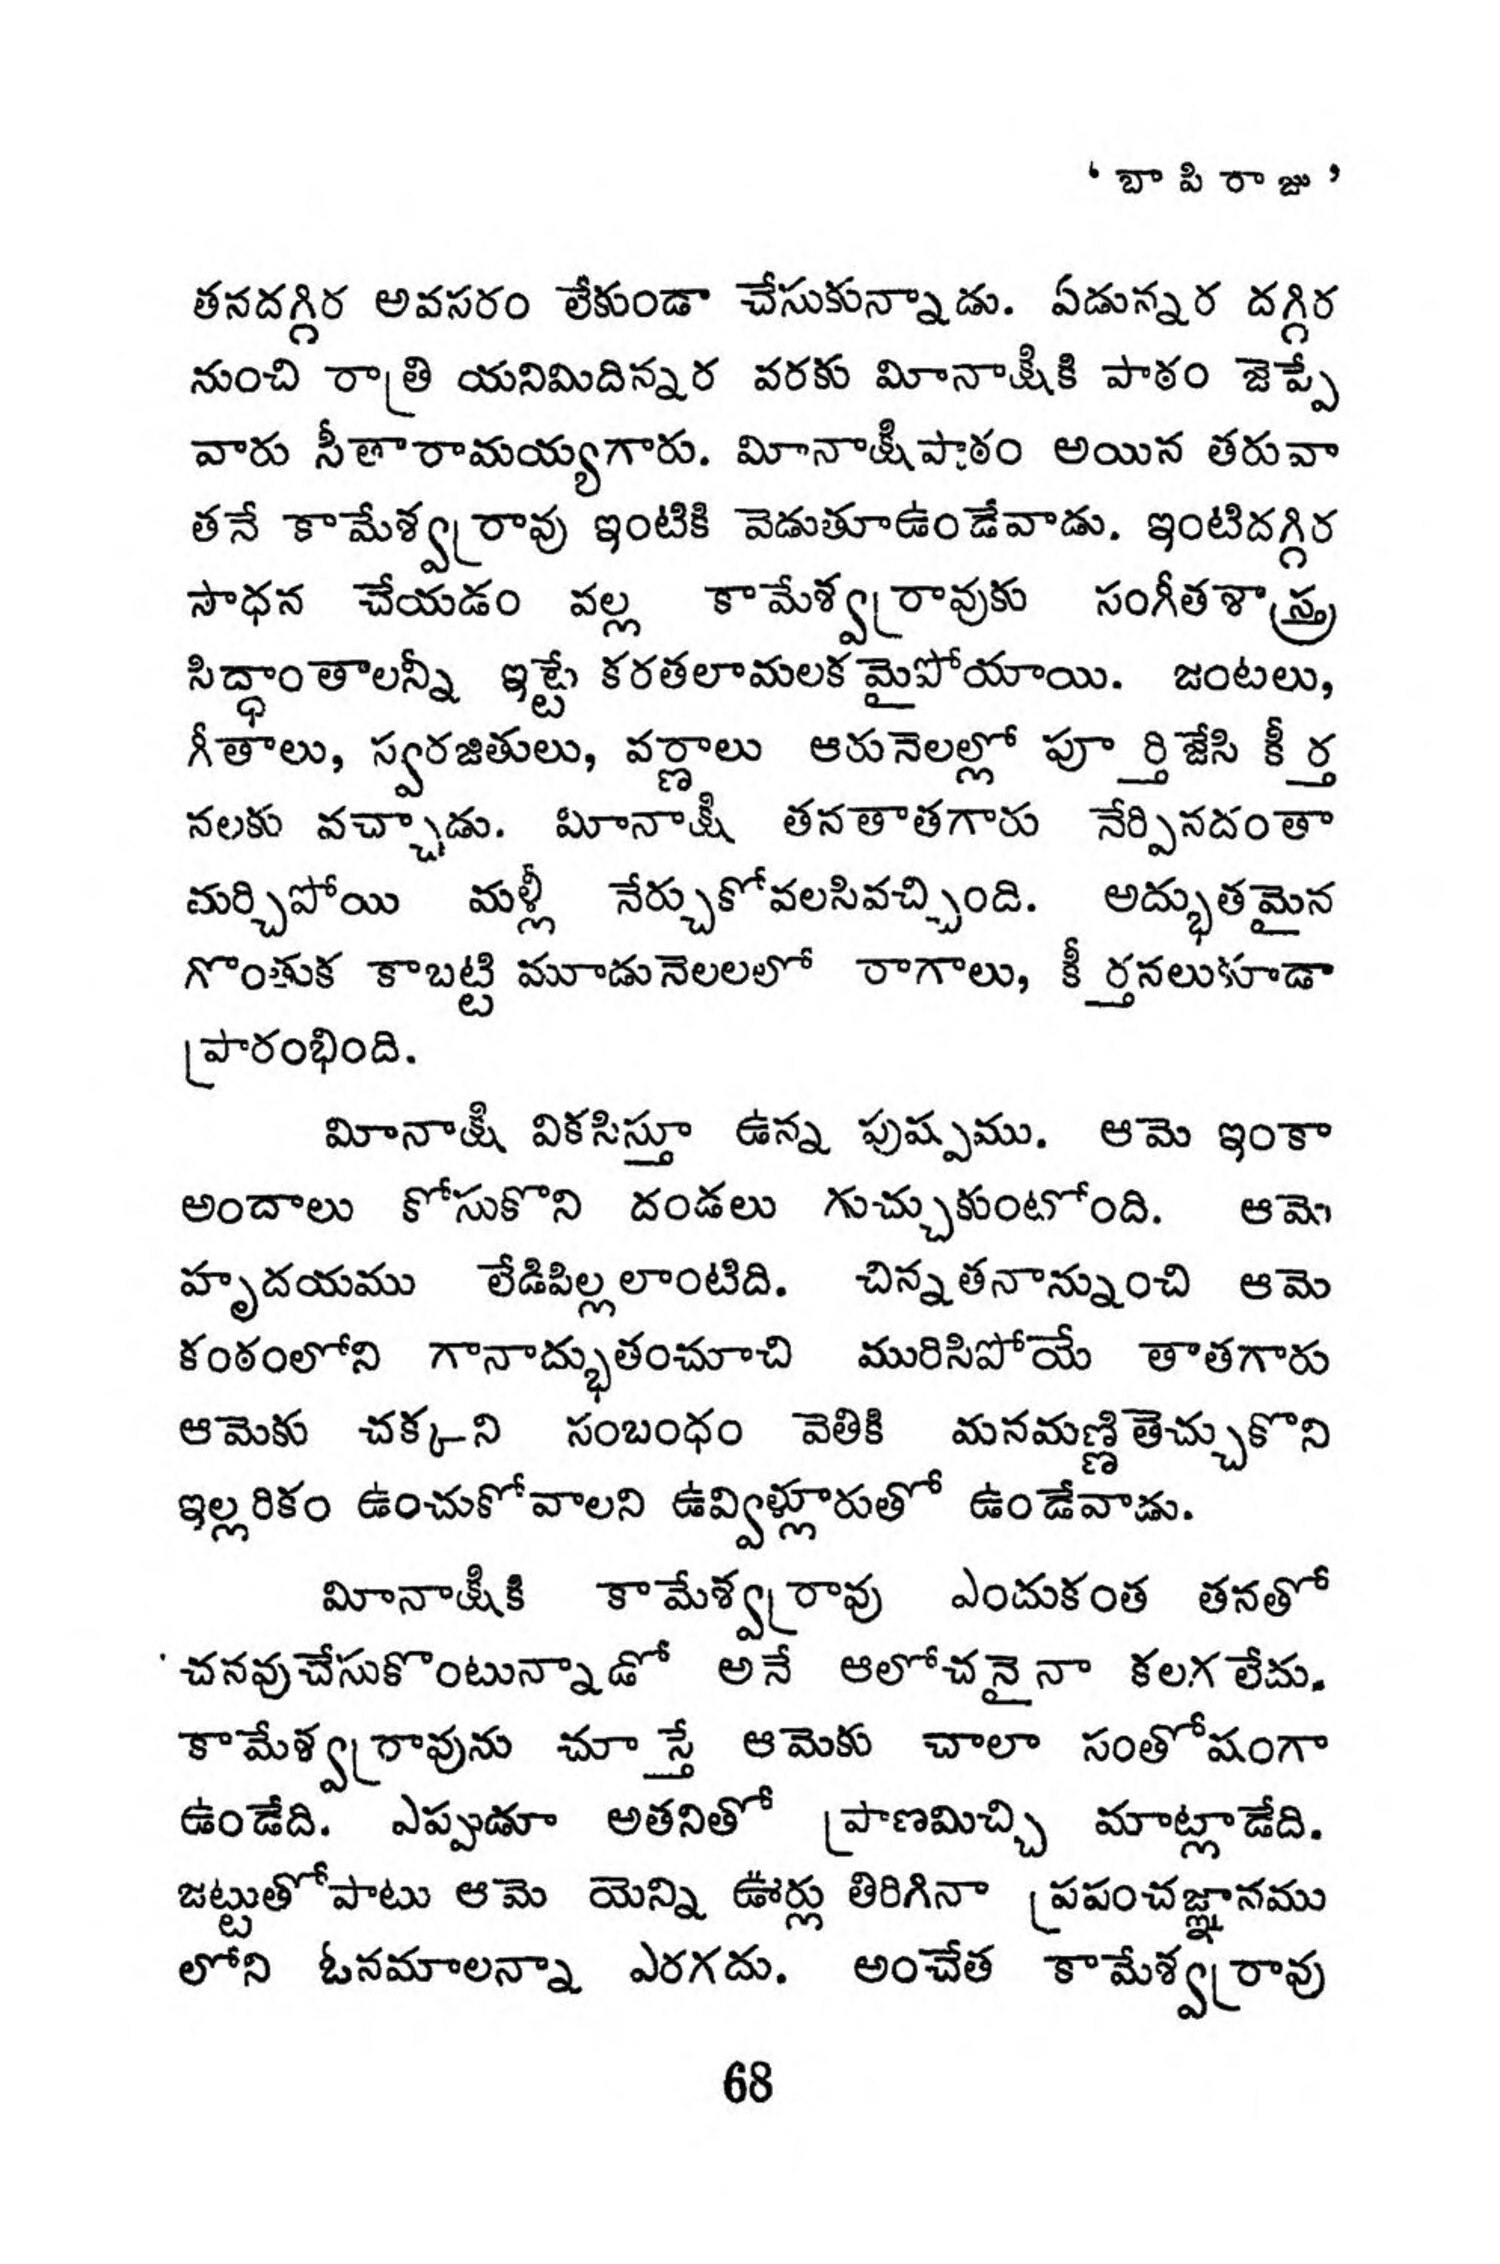తనదగ్గిర అవసరం లేకుండా చేసుకున్నాడు. ఏడున్నర దగ్గిర నుంచి రాత్రి యనిమిదిన్నర వరకు మీనాక్షికి పాఠం జెప్పేవారు సీతారామయ్యగారు. మీనాక్షిపాఠం అయిన తరువాతనే కామేశ్వర్రావు ఇంటికి వెడుతూఉండేవాడు. ఇంటిదగ్గిర సాధన చేయడం వల్ల కామేశ్వర్రావుకు సంగీతశాస్త్ర సిద్ధాంతాలన్నీ ఇట్టే కరతలామలకమైపోయాయి. జంటలు, గీతాలు, స్వరజితులు, వర్ణాలు ఆరునెలల్లో పూర్తిజేసి కీర్తనలకు వచ్చాడు. మీనాక్షి తనతాతగారు నేర్పినదంతా మర్చిపోయి మళ్లీ నేర్చుకోవలసివచ్చింది. అద్భుతమైన గొంతుక కాబట్టి మూడునెలలలో రాగాలు, కీర్తనలుకూడా ప్రారంభిచింది.

మీనాక్షి వికసిస్తూ ఉన్న పుష్పము. ఆమె ఇంకా అందాలు కోసుకొని దండలు గుచ్చుకుంటోంది. ఆమె హృదయము లేడిపిల్ల లాంటిది. చిన్నతనాన్నుంచి ఆమె కంఠంలోని గానాద్భుతంచూచి మురిసిపోయే తాతగారు ఆమెకు చక్కని సంబంధం వెతికి మనమణ్ణితెచ్చుకొని ఇల్లరికం ఉంచుకోవాలని ఉవ్విళ్లూరుతో ఉండేవాడు.

మీనాక్షికి కామేశ్వర్రావు ఎందుకంత తనతో చనవుచేసుకుంటున్నాడో అనే ఆలోచనైనా కలగలేదు. కామేశ్వర్రావును చూస్తే ఆమెకు చాలా సంతోషంగా ఉండేది. ఎప్పుడూ అతనితో ప్రాణమిచ్చి మాట్లాడేది. జట్టుతోపాటు ఆమె యెన్ని ఊర్లు తిరిగినా ప్రపంచజ్ఞానములోని ఓనమాలన్నా ఎరగదు. అంచేత కామేశ్వర్రావు